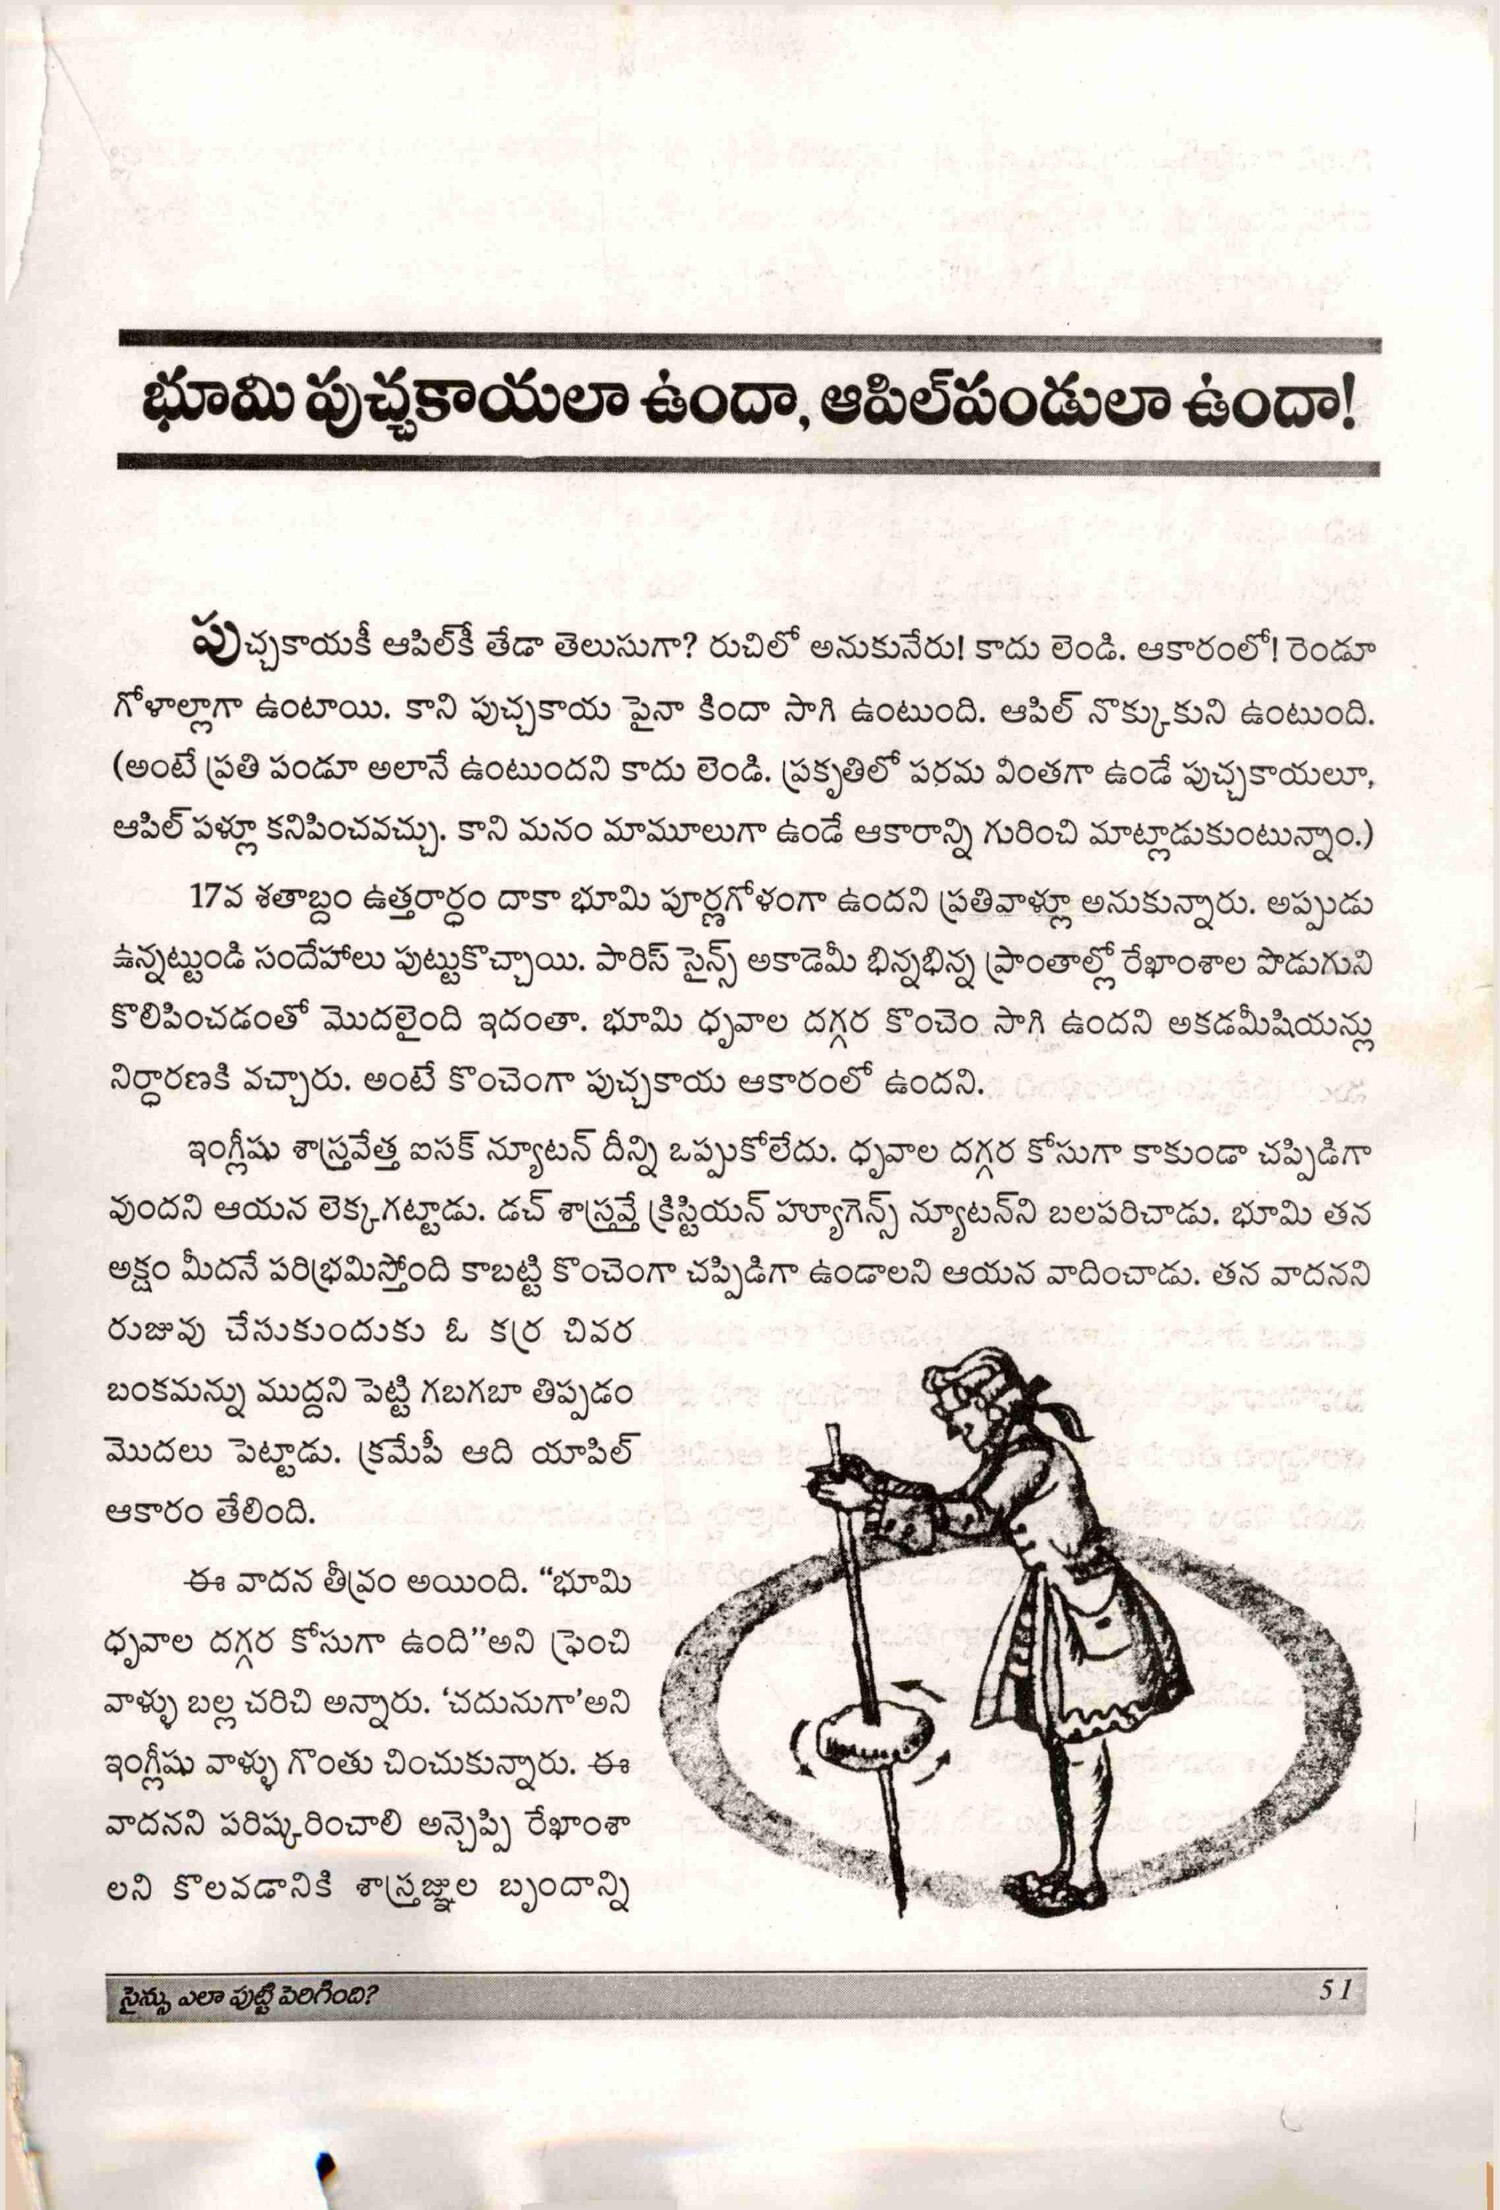భూమి పుచ్చకాయలా ఉందా, ఆపిల్‌పండులా ఉందా!

పుచ్చకాయకీ ఆపిల్‌కీ తేడా తెలుసుగా? రుచిలో అనుకునేరు! కాదు లెండి. ఆకారంలో! రెండూ గోళాల్లాగా ఉంటాయి. కాని పుచ్చకాయ పైనా కిందా సాగి ఉంటుంది. ఆపిల్ నొక్కుకుని ఉంటుంది. (అంటే ప్రతి పండూ అలానే ఉంటుందని కాదు లెండి. ప్రకృతిలో పరమ వింతగా ఉండే పుచ్చకాయలూ, ఆపిల్ పళ్లూ కనిపించవచ్చు. కాని మనం మామూలుగా ఉండే ఆకారాన్ని గురించి మాట్లాడుకుంటున్నాం.)

17వ శతాబ్దం ఉత్తరార్ధం దాకా భూమి పూర్ణగోళంగా ఉందని ప్రతివాళ్లూ అనుకున్నారు. అప్పుడు ఉన్నట్టుండి సందేహాలు పుట్టుకొచ్చాయి. పారిస్ సైన్స్ అకాడెమీ భిన్నభిన్న ప్రాంతాల్లో రేఖాంశాల పొడుగుని కొలిపించడంతో మొదలైంది ఇదంతా. భూమి ధృవాల దగ్గర కొంచెం సాగి ఉందని అకడమీషియన్లు నిర్ధారణకి వచ్చారు. అంటే కొంచెంగా పుచ్చకాయ ఆకారంలో ఉందని.

ఇంగ్లీషు శాస్త్రవేత్త ఐసక్ న్యూటన్ దీన్ని ఒప్పుకోలేదు. ధృవాల దగ్గర కోసుగా కాకుండా చప్పిడిగా వుందని ఆయన లెక్కగట్టాడు. డచ్ శాస్త్రవ్తే క్రిస్టియన్ హ్యూగెన్స్ న్యూటన్‌ని బలపరిచాడు. భూమి తన అక్షం మీదనే పరిభ్రమిస్తోంది కాబట్టి కొంచెంగా చప్పిడిగా ఉండాలని ఆయన వాదించాడు. తన వాదనని రుజువు చేసుకుందుకు ఓ కర్ర చివర
బంకమన్ను ముద్దని పెట్టి గబగబా తిప్పడం మొదలు పెట్టాడు. క్రమేపీ ఆది యాపిల్ ఆకారం తేలింది.

ఈ వాదన తీవ్రం అయింది. “భూమి ధృవాల దగ్గర కోసుగా ఉంది" అని ఫ్రెంచివాళ్ళు బల్ల చరిచి అన్నారు. 'చదునుగా' అని ఇంగ్లీషు వాళ్ళు గొంతు చించుకున్నారు. ఈ వాదనని పరిష్కరించాలి అన్చెప్పి రేఖాంశాలని కొలవడానికి శాస్త్రజ్ఞుల బృందాన్ని